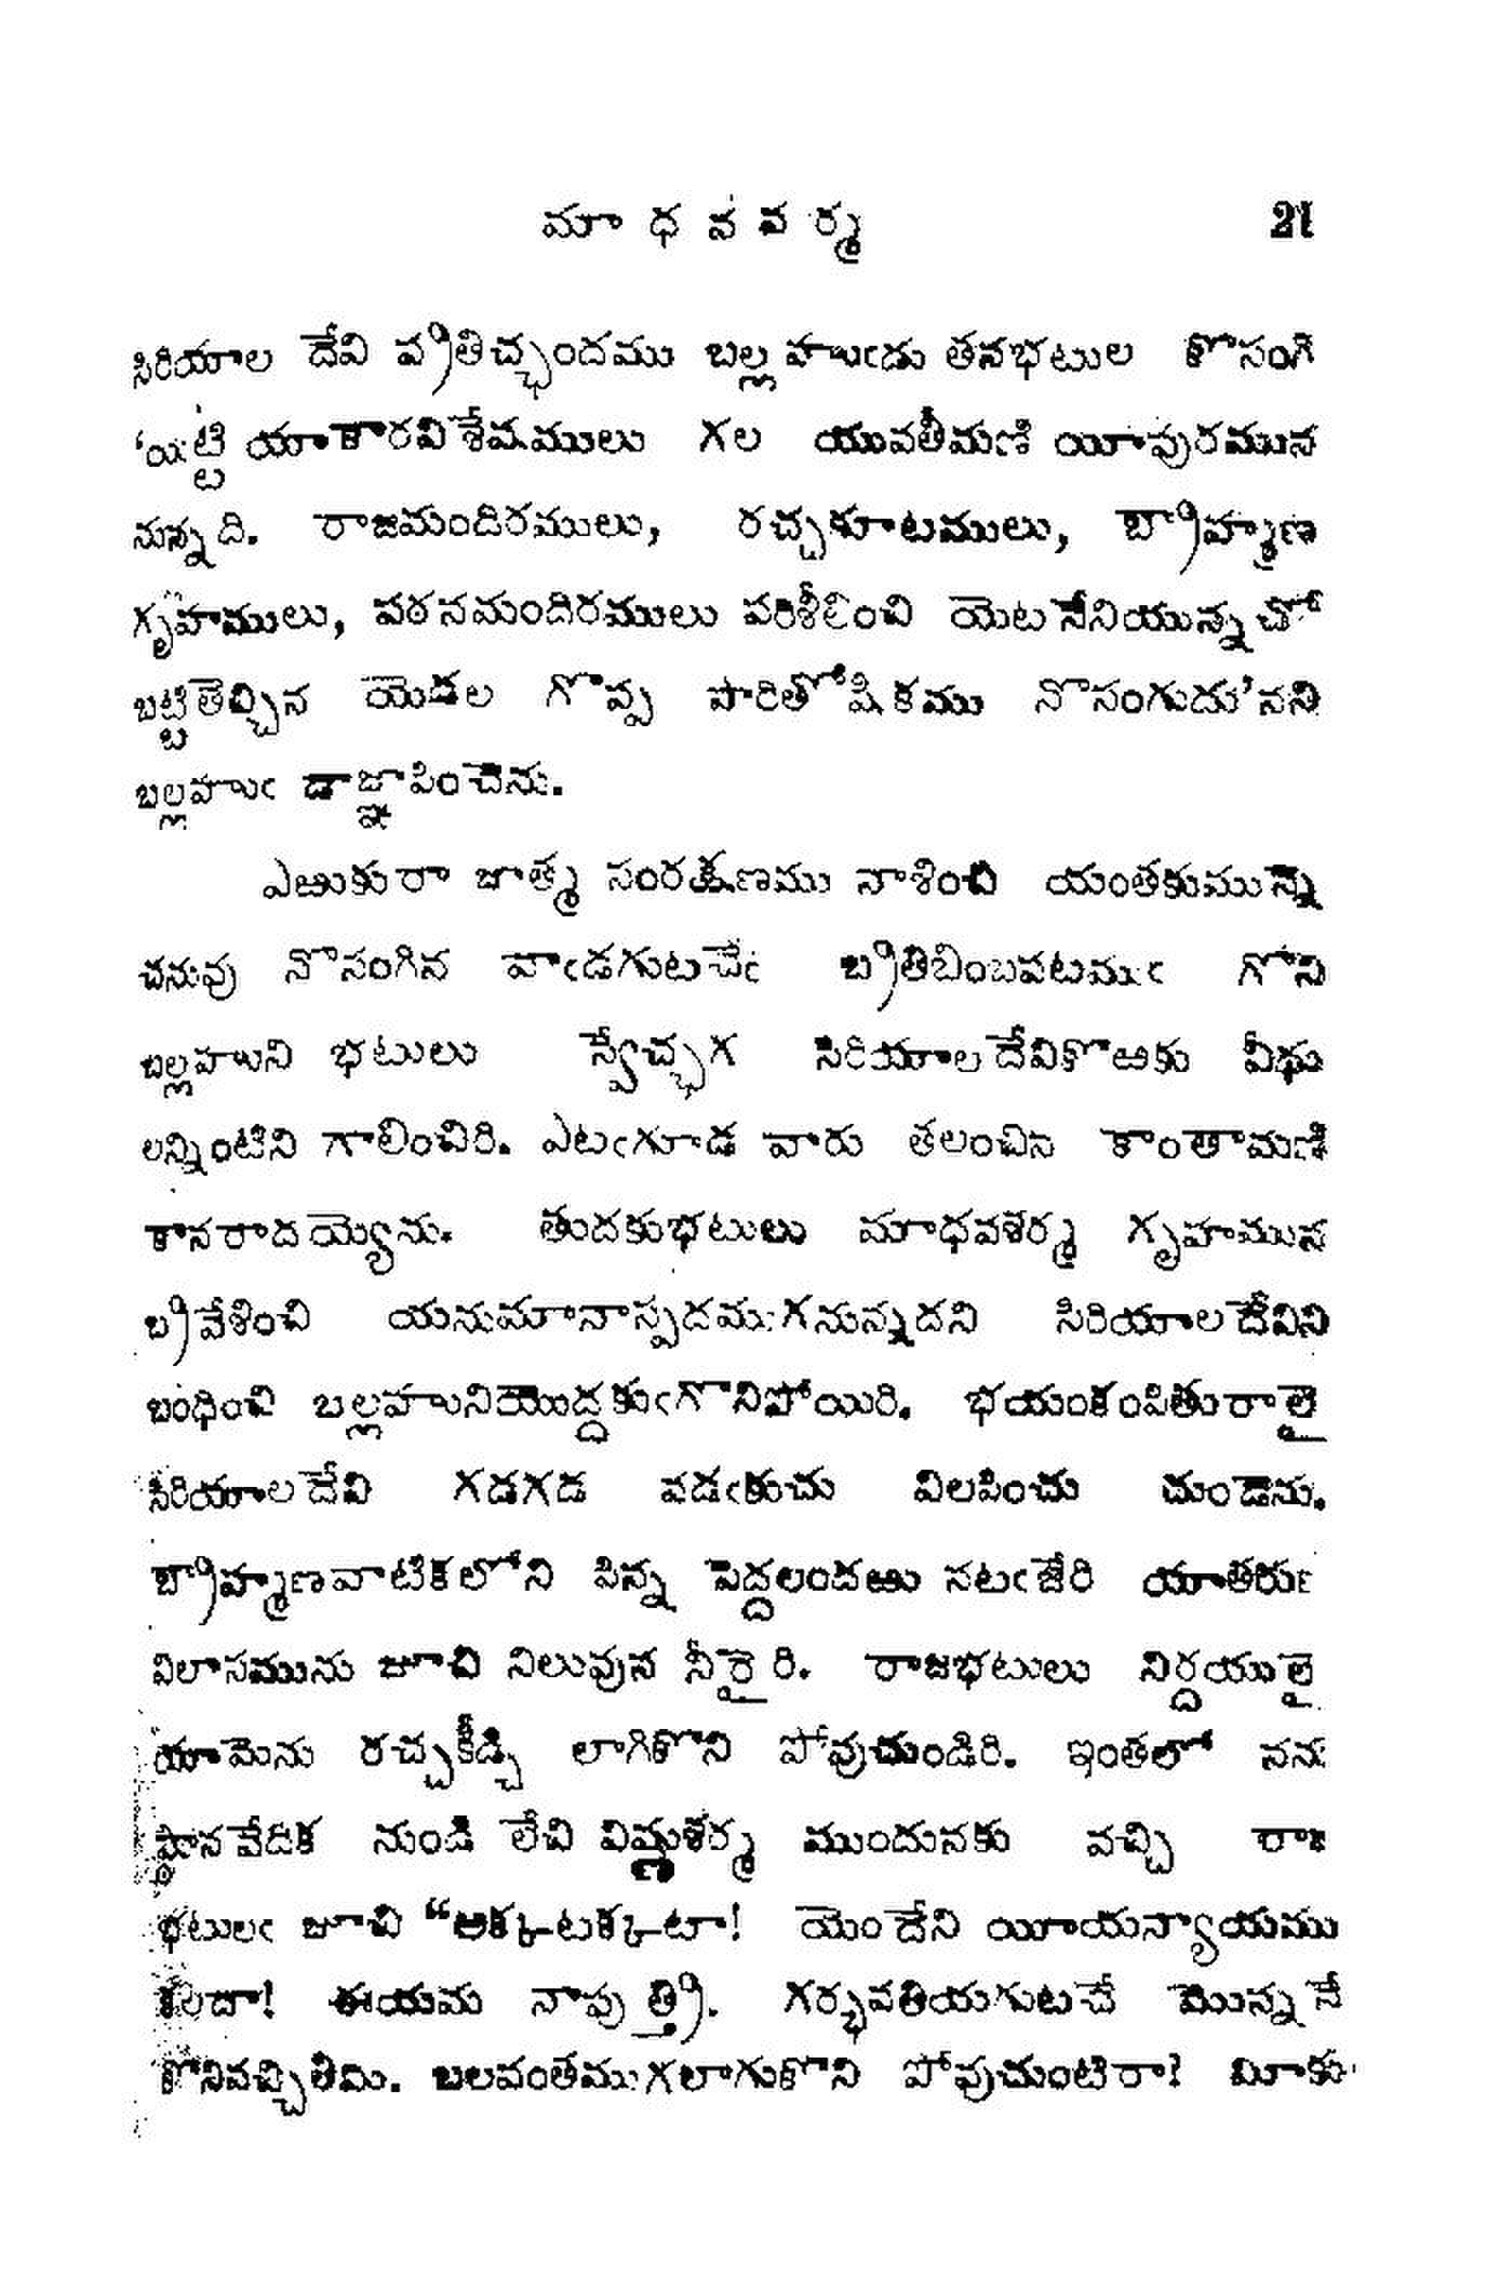సిరియాల దేవి ప్రతిచ్ఛందము బల్లహుడు తనభటుల కొసంగి 'యిట్టి యాకారవిశేషములు గల యువతీమణి యీపురమున నున్నది. రాజమందిరములు, రచ్చకూటములు, బ్రాహ్మణ గృహములు, పఠనమందిరములు పరిశీలించి యెటనేని యున్నచో బట్టితెచ్చిన యెడల గొప్ప పారితోషికము నొసంగుదు'నని బల్లహు డాజ్ఞాపించెను.

ఎఱుకరా జాత్మ సంరక్షణము నాశించి యంతకు మున్నె చనువు నొసంగిన వాడగుటచే బ్రతిబింబపటము గొని బల్లహుని భటులు స్వేచ్ఛగ సిరియాలదేవి కొఱకు వీధులన్నింటిని గాలించిరి. ఎట గూడ వారు తలంచిన కాంతామణి కానరాదయ్యెను. తుదకు భటులు మాధవశర్మ గృహమున బ్రవేశించి యనుమానాస్పదముగ నున్నదని సిరియాలదేవిని బంధించి బల్లహుని యొద్దకు గొనిపోయిరి. భయకంపితురాలై సిరియాలదేవి గడగడ వడకుచు విలపించు చుండెను. బ్రాహ్మణవాటిక లోని పిన్న పెద్దలందఱు నటజేరి యాతరుణ విలాసమును జూచి నిలువున నీరైరి. రాజభటులు నిర్దయులై యామెను రచ్చకీడ్చి లాగికొని పోవుచుండిరి. ఇంతలో ననుష్ఠానవేదిక నుండి లేచి విష్ణుశర్మ ముందునకు వచ్చి రాజభటుల జూచి "అక్కటక్కటా! యెందేని యీయన్యాయము కలదా! ఈయమ నాపుత్రి. గర్భవతియగుటచే మొన్ననే కొనివచ్చితిమి. బలవంతముగ లాగుకొని పోవుచుంటిరా? మీకు